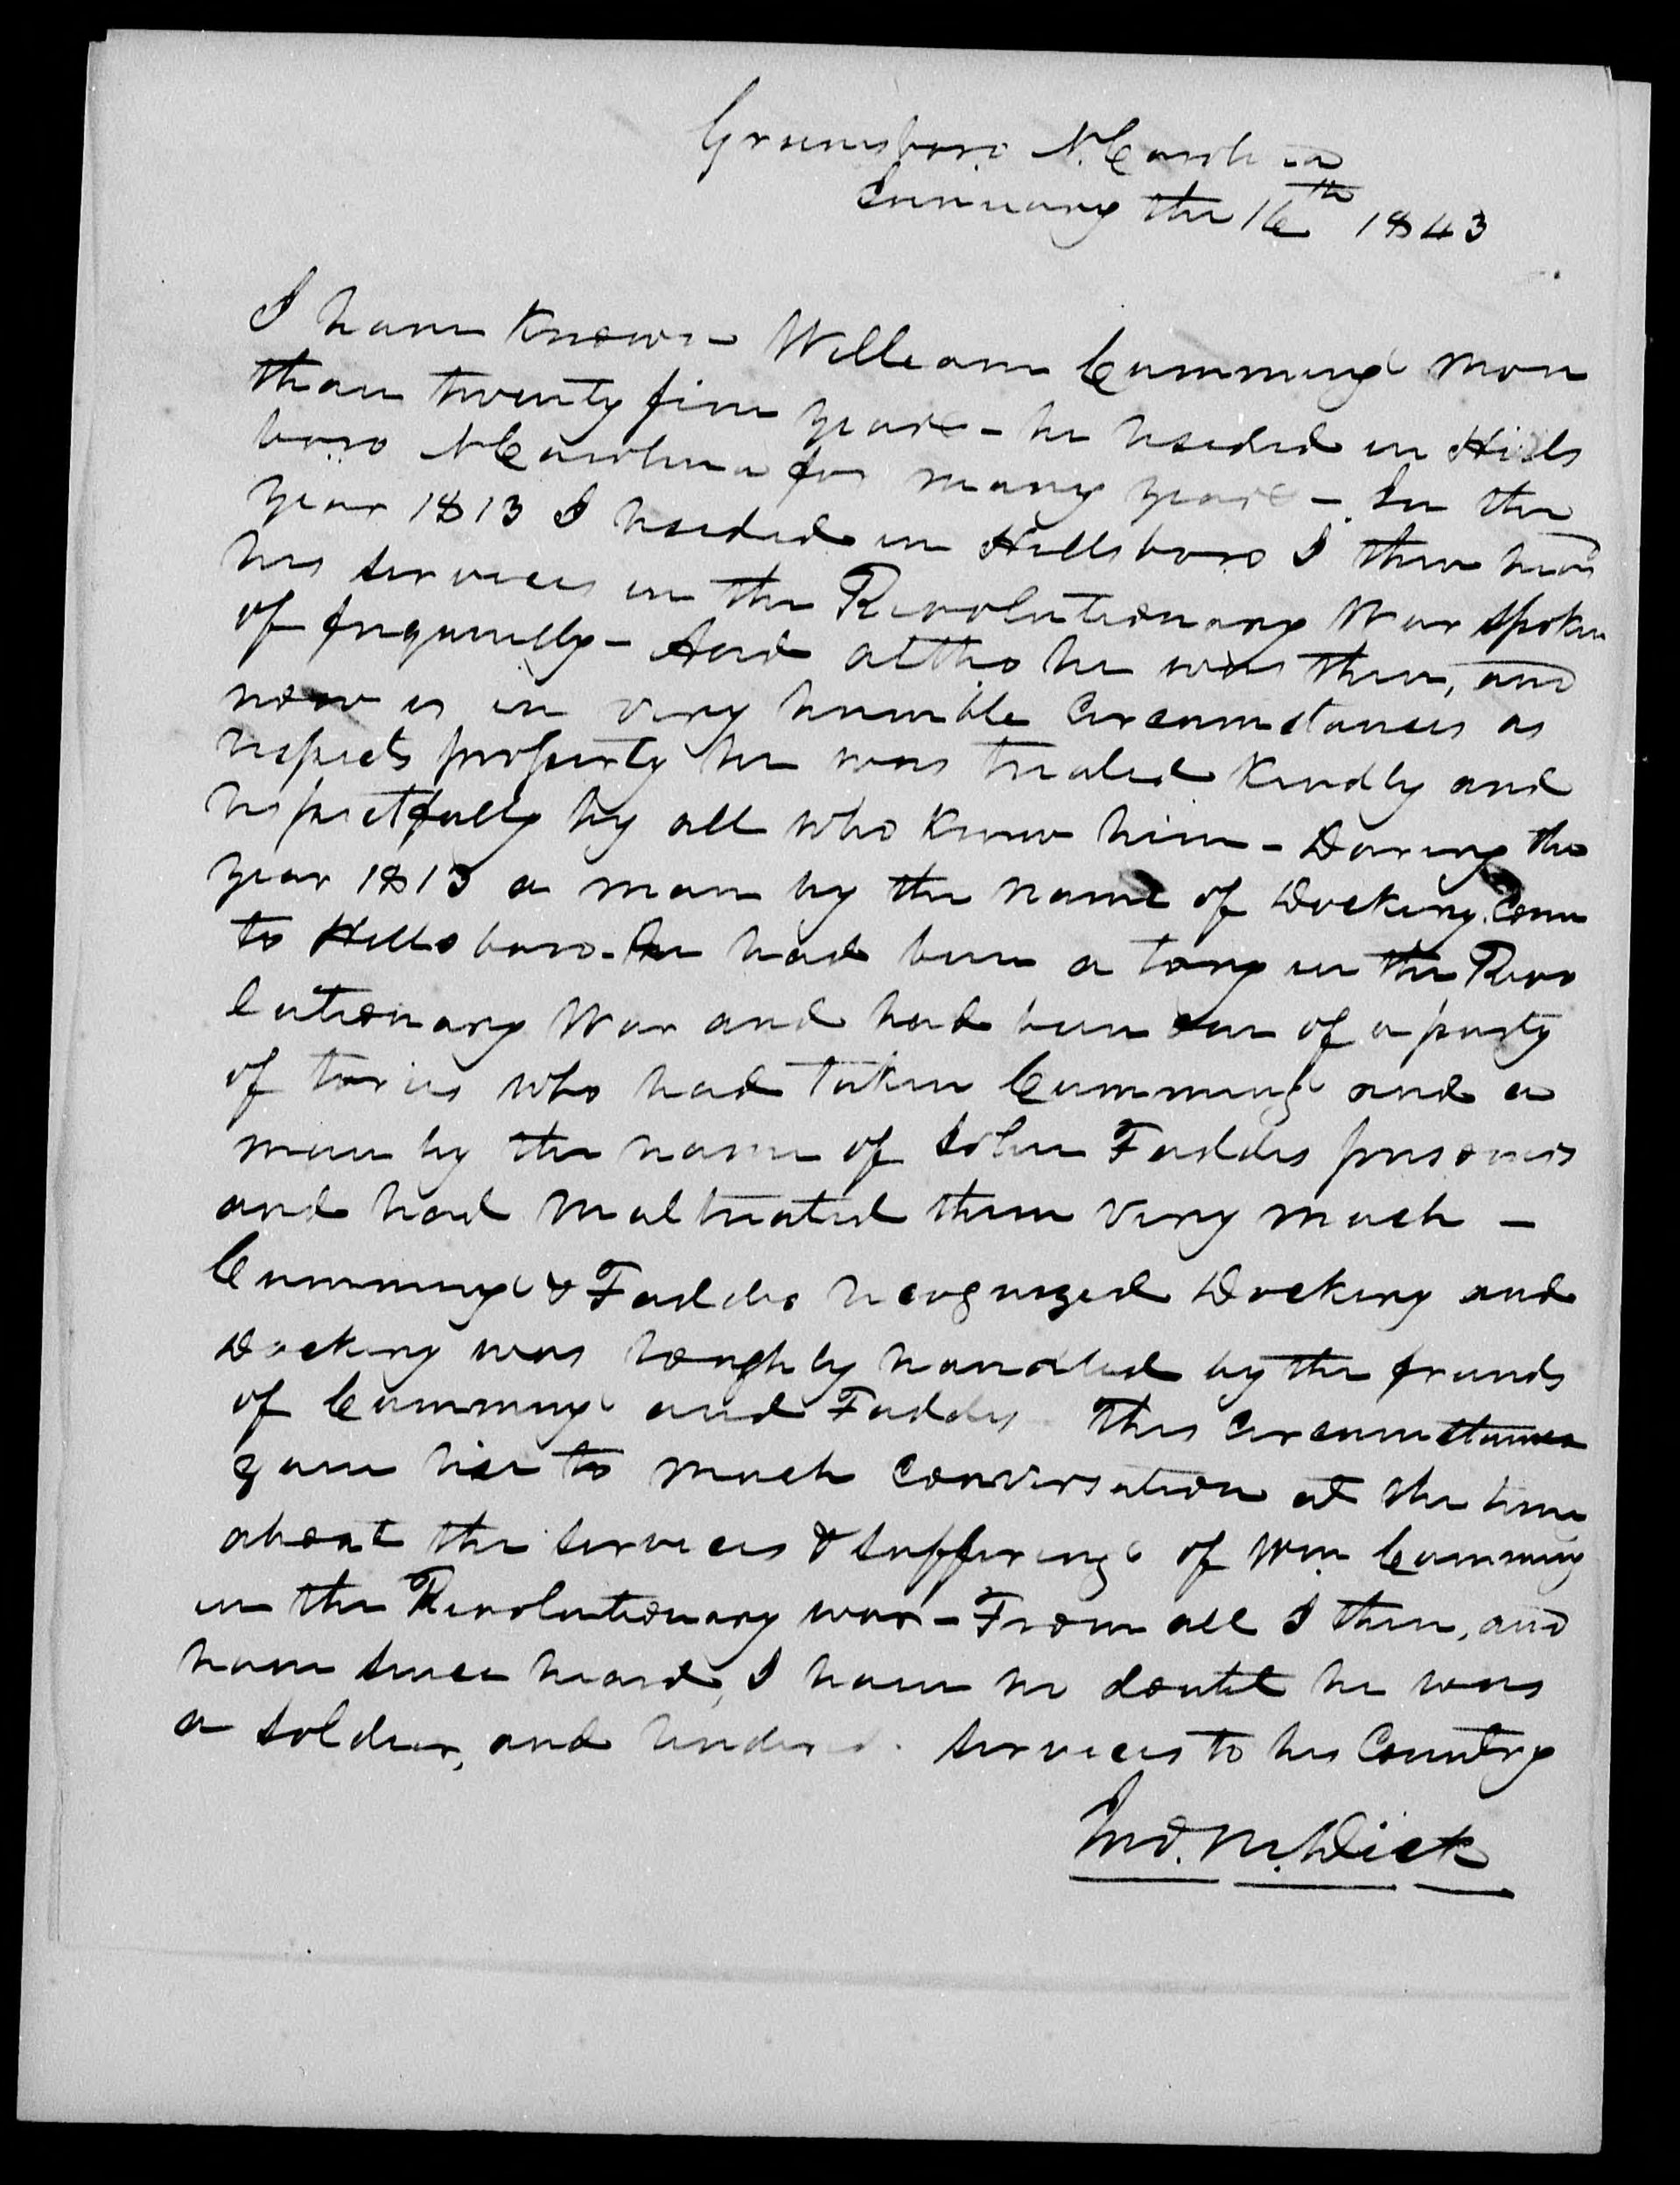[Handwritten account. Occasional spacing has been included to make the long text block easier to read.]

Greensboro N. Carolina
January the 16th 1843

I have Known William Cumming [or Cummings] More than twenty five years - he resided in Hillsboro N Carolina for many years - In the year 1813 I resided in Hillsboro I then heard his Services in the Revolutionary War Spoken of frequently - And although he was then, and now is in Very humble Circumstances as respects property he was treated Kindly and respectfully by all who Knew him _ 

During the year 1813 a man by the name of Dockery [or Docking]. came to Hillsboro.  He had been a tory in the Revolutionary War and had been one of a party of tories who had taken Cumming [or Cummings] and a man by the name of John [?] Forstetrs [possibly meaning Forresters] prisoners and had Maltreated them Very Much -

Cumming [or Cummings] and [?] Forstetrs [possibly meaning a variation of Forresters] recognized Dockery [or Docking] and Dockery [or Docking] was roughly handled by the friends of Cumming and Forstatrs   This Circumstances gave rise to Much Conversation at the time about the Services and Suffering of Wm Cumming in the Revolutionary war -  From all I then, and have Since heard, I have no doubt he was a Soldier, and rendered Services  to his Country

[The following signature is underlined, and appears to be:] Jno. M. Dick [or Dist or Dirk]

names: William Cummings, Docking, Cummings, Faddis, Jno M Dick, Wm Cumming, Cummings, John Faddis, Cummings, Docking, Faddis, Docking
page: 47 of 145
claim: survivor's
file: S. 8265, William Cumming, N.C.